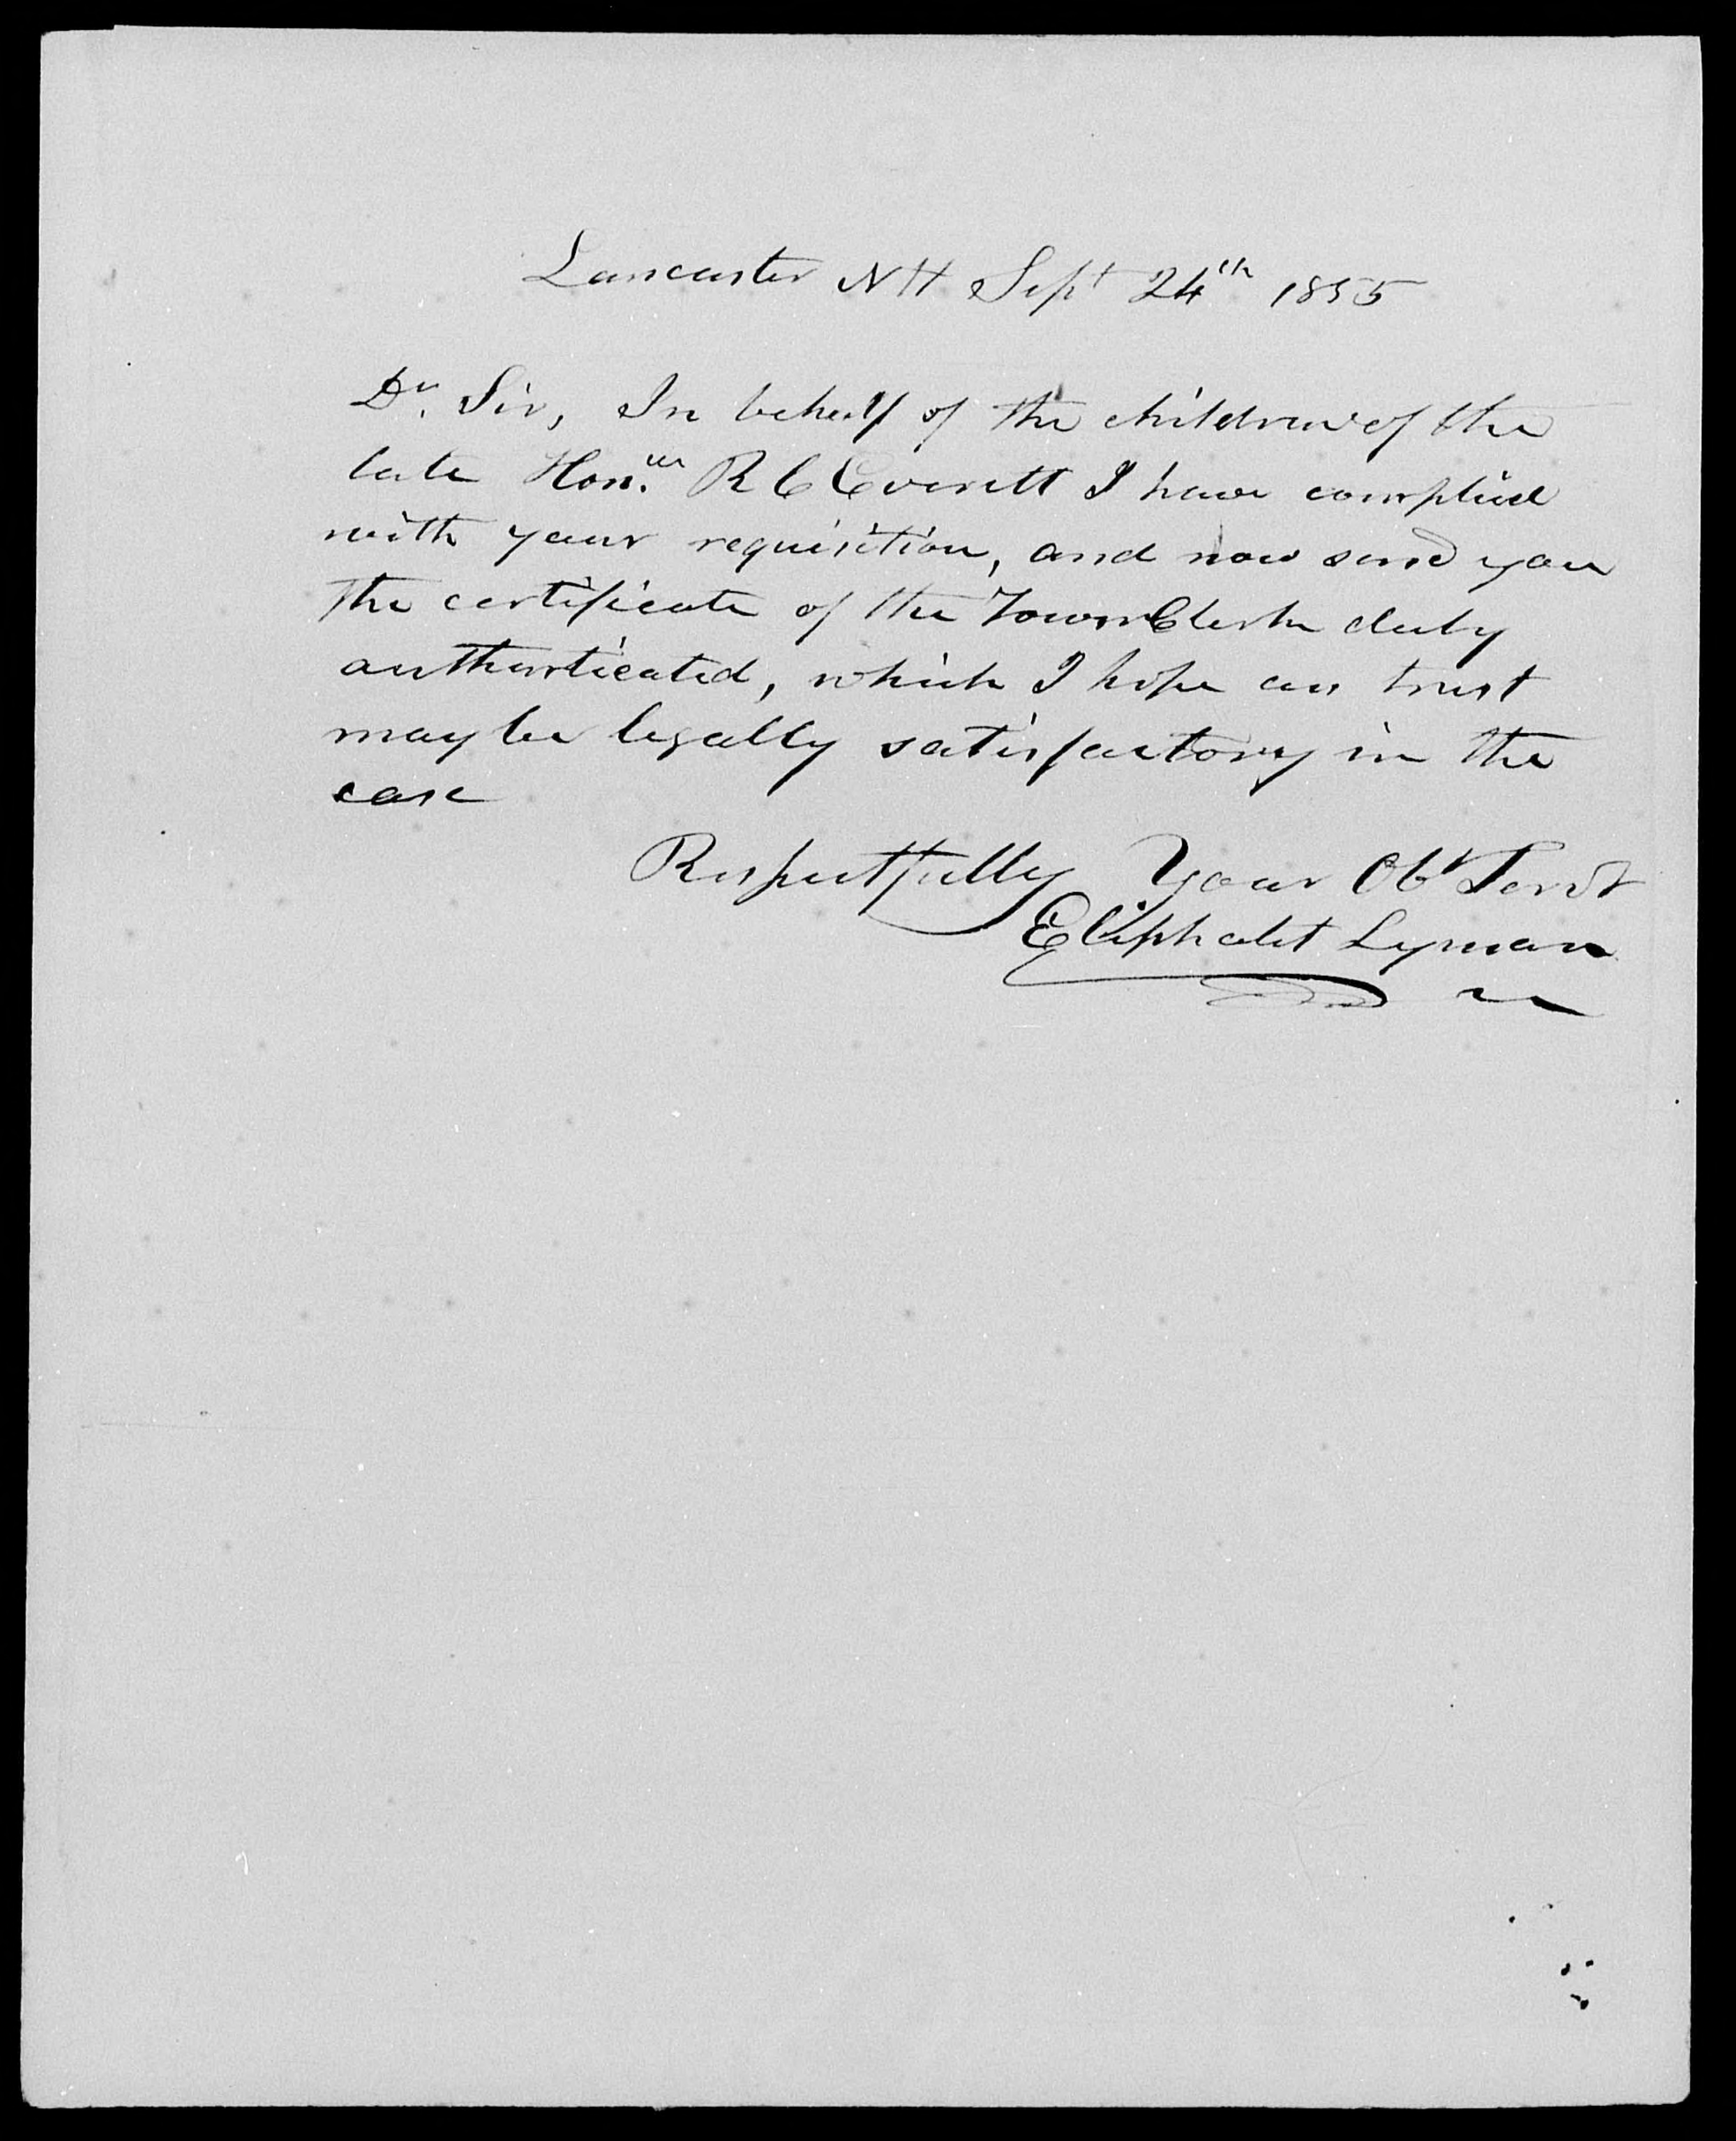Lancaster NH Sept 24th 1855
Dr. Sir, In behalf of the children of the late Honbl. R C Everett I have complied with your requisition, and now send you the certificate of the Town Clerk clearly authenticated, which I hope and trust may be legally satisfactory in the case
Respectfully Your Obt. Servt.
Eliphalet Lyman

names: R C Everett, Eliphalet Lyman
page: 33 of 59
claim: widow's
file: W. 23017, Richard Clair Everett, Mass.